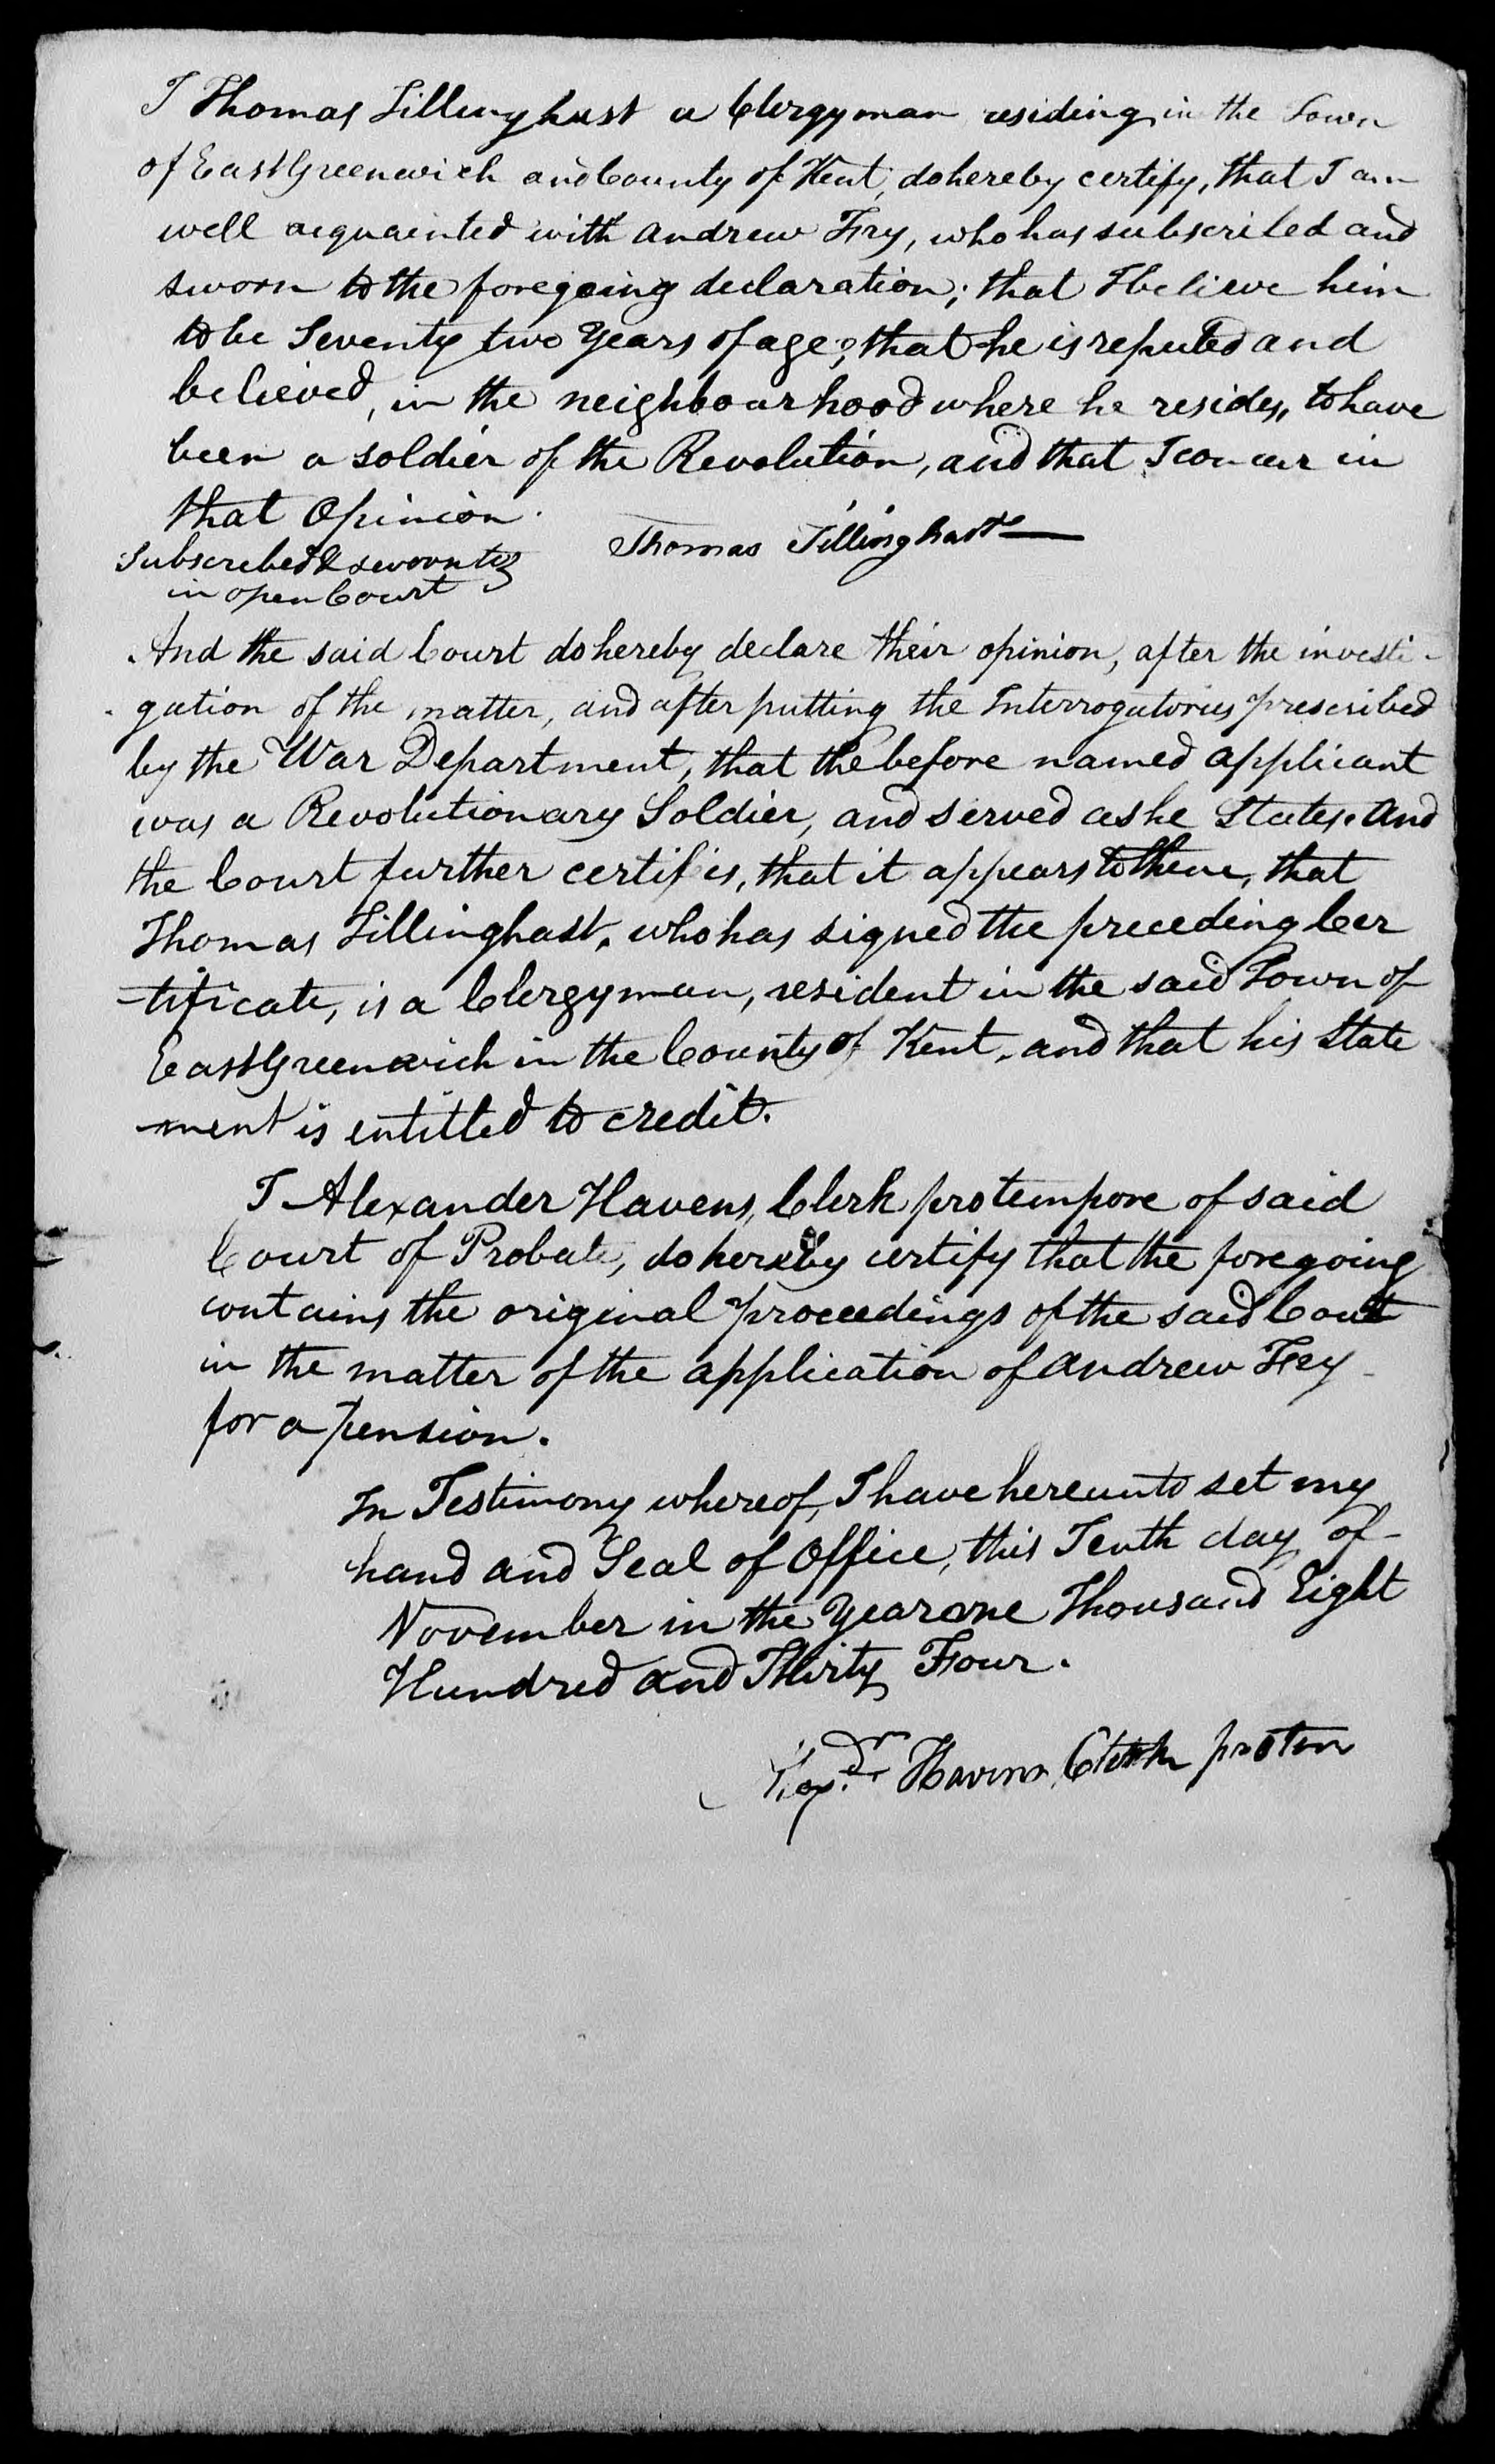I Thomas Tillinghast a clergyman residing in the town of East Greenwich and Count of Kent, do hereby certify that I am well acquainted with Andrew Fry, who has subscribed and sworn to the foregoing declaration, that I believe him to be seventy two years of age, that he is respected and believed in the neighborhood where he resides, to have been a soldier of the revolution and that I concur in that opinion. Subscribed and sworn to in open court

Thomas Tillinghast

And the said court do hereby declare their opinion, after the investigation of the matter, and after putting the interrogations prescribed by the War Department, that the before named applicant was a Revolutionary Soldier, and served as he states and the court further certifies, that it appears to there that Thomas Lillinghast who has signed the preceding certificate is a Clergyman, resident in the said town of East Greenwich in the county of Kent and that his statement is entitles to credit.

I Alexander Havens, clerk protempore of said court of probate do hereby certify that the foregoing contains the original proceedings of the said court in the matter of the application of Andrew Fry for a pension.

In testimony whereof I have here unto set my hand and seal of office this tenth day of November in the year one thousand and eight hundred and thirty four.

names: Alexdr Havens, Thomas Tillinghast, Thomas Tillinghast, Alexander Havens, Andrew Fry, Andrew Fry, Thomas Tillinghast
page: 7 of 9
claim: survivor's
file: S. 21,760, Andrew Fry, R.I.